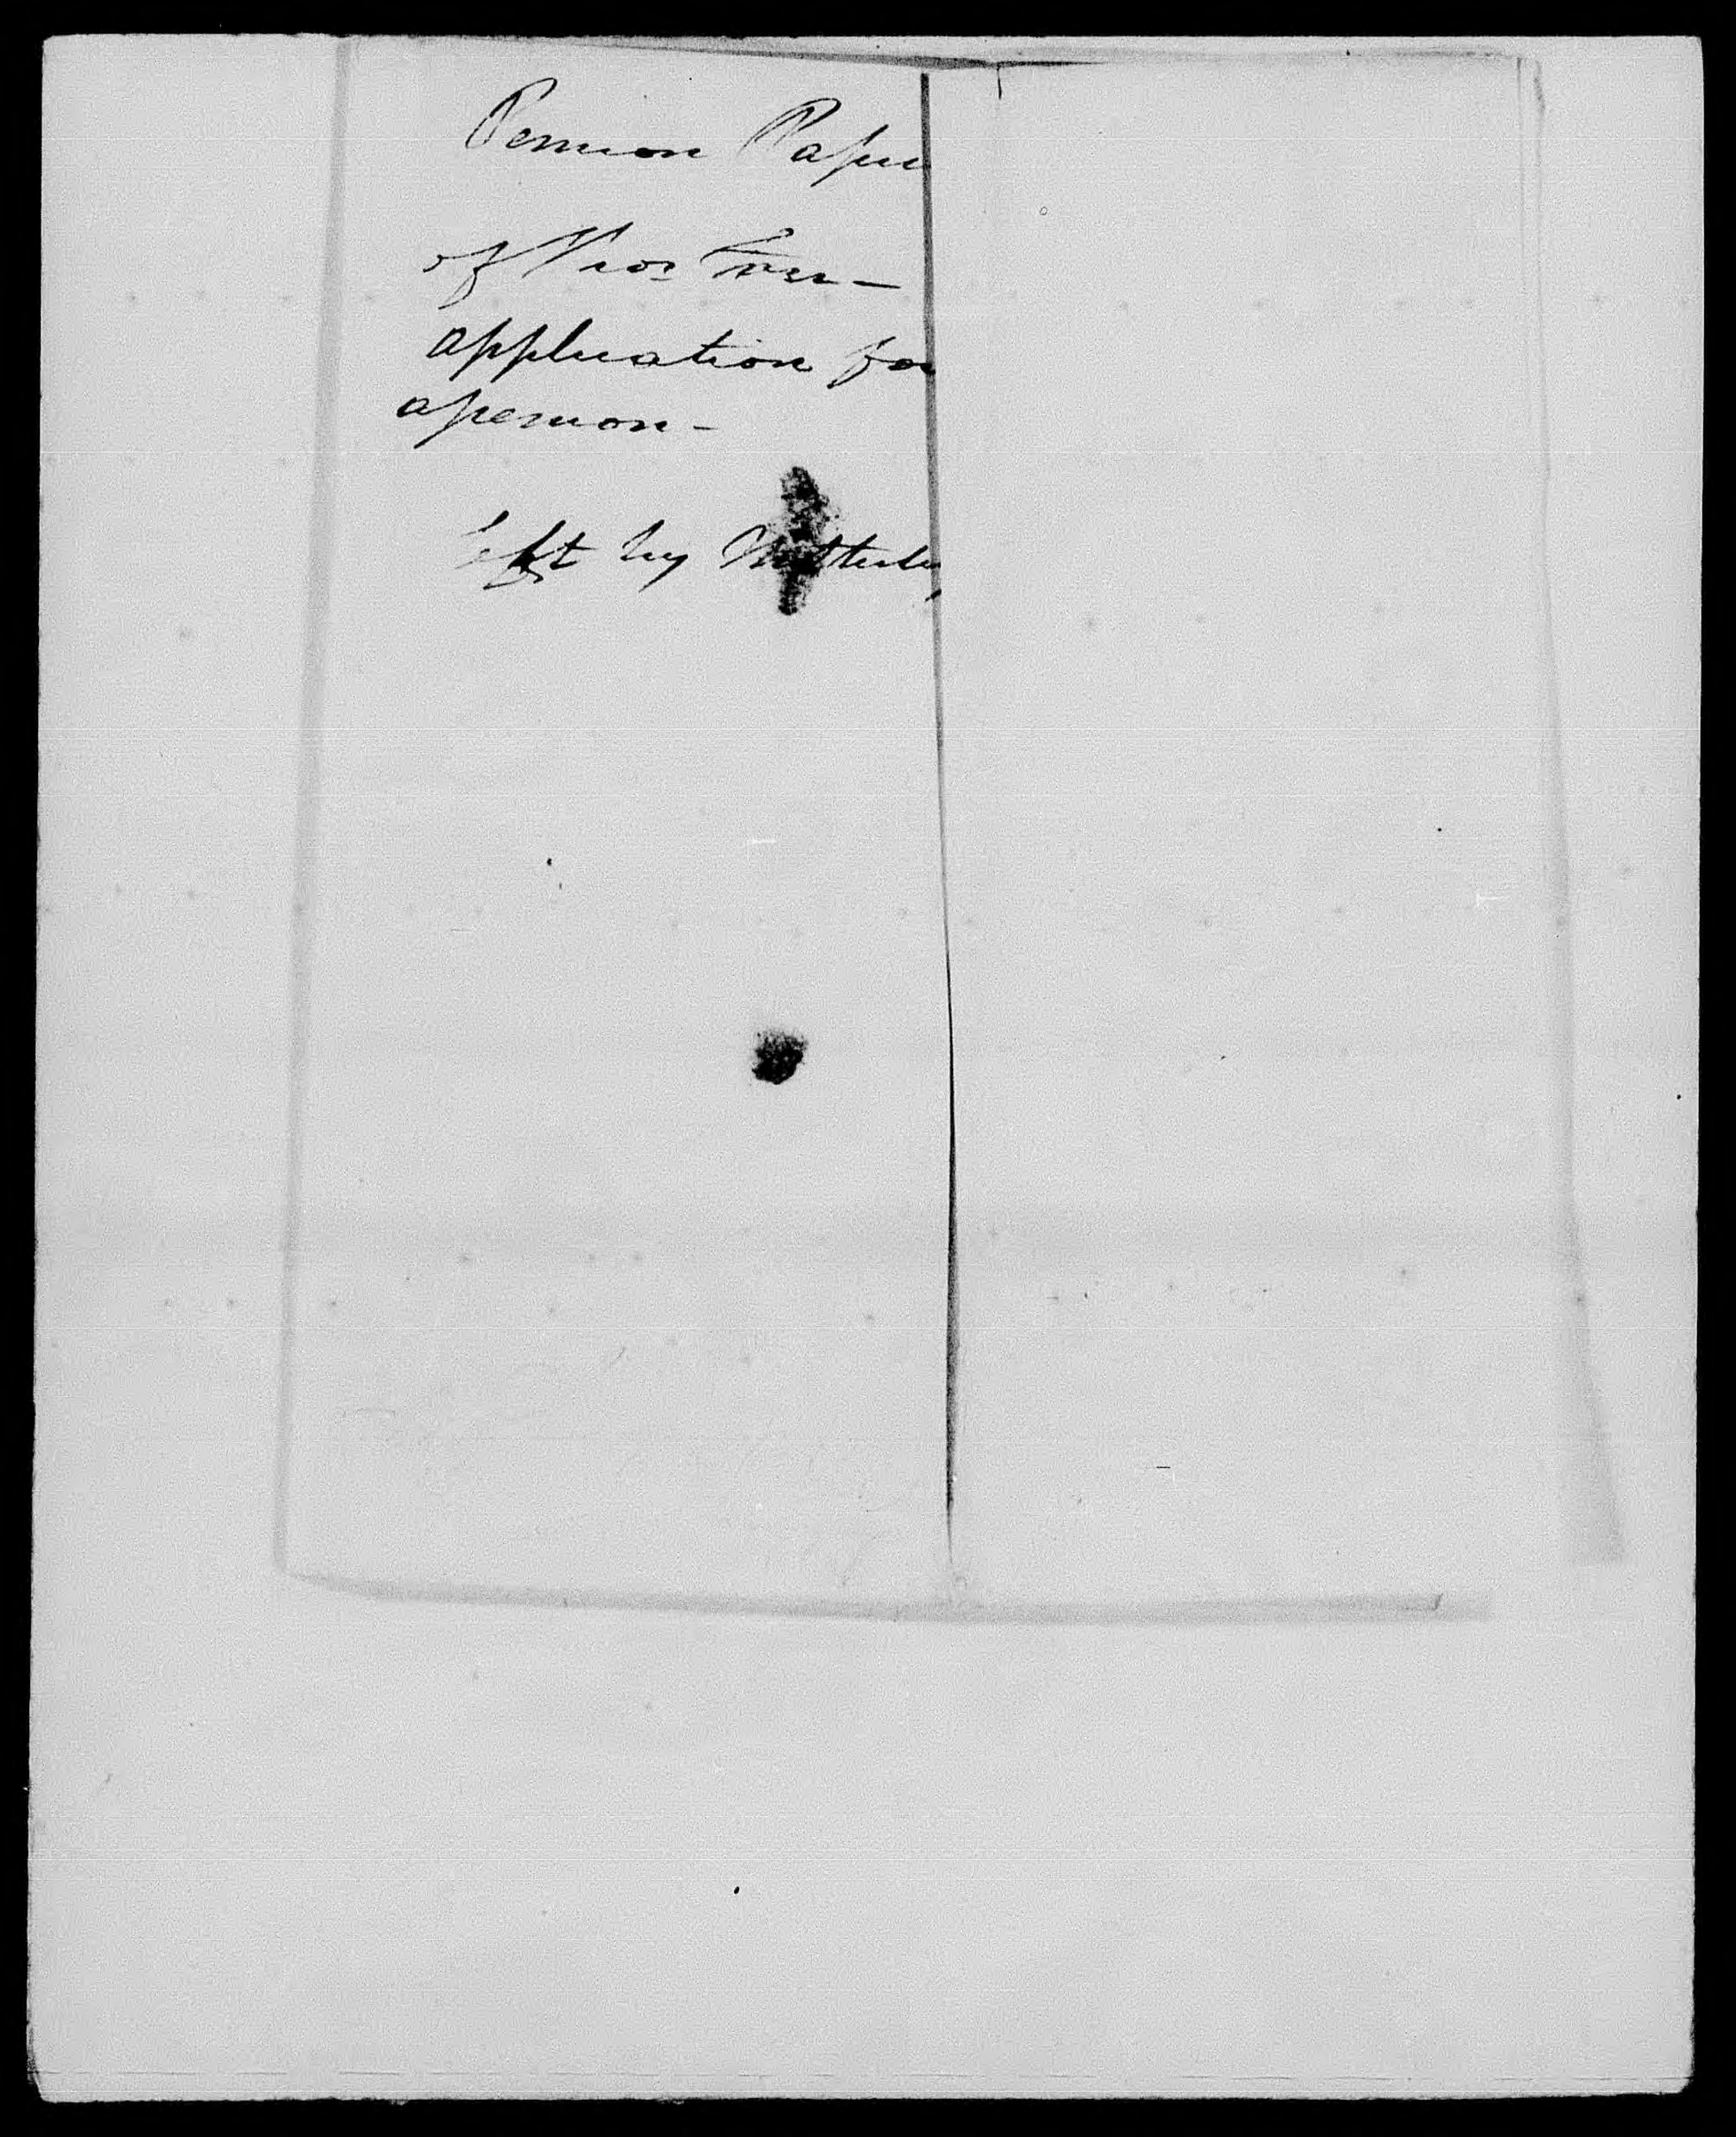Pension Paper
of Thos Farr
application for
a pension -

Left by [illegible]


[Faint writing - upside down]
Letter to
M. Sterling, Esq.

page: 36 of 46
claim: widow's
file: W. 23022, Thomas Farr, N.H.